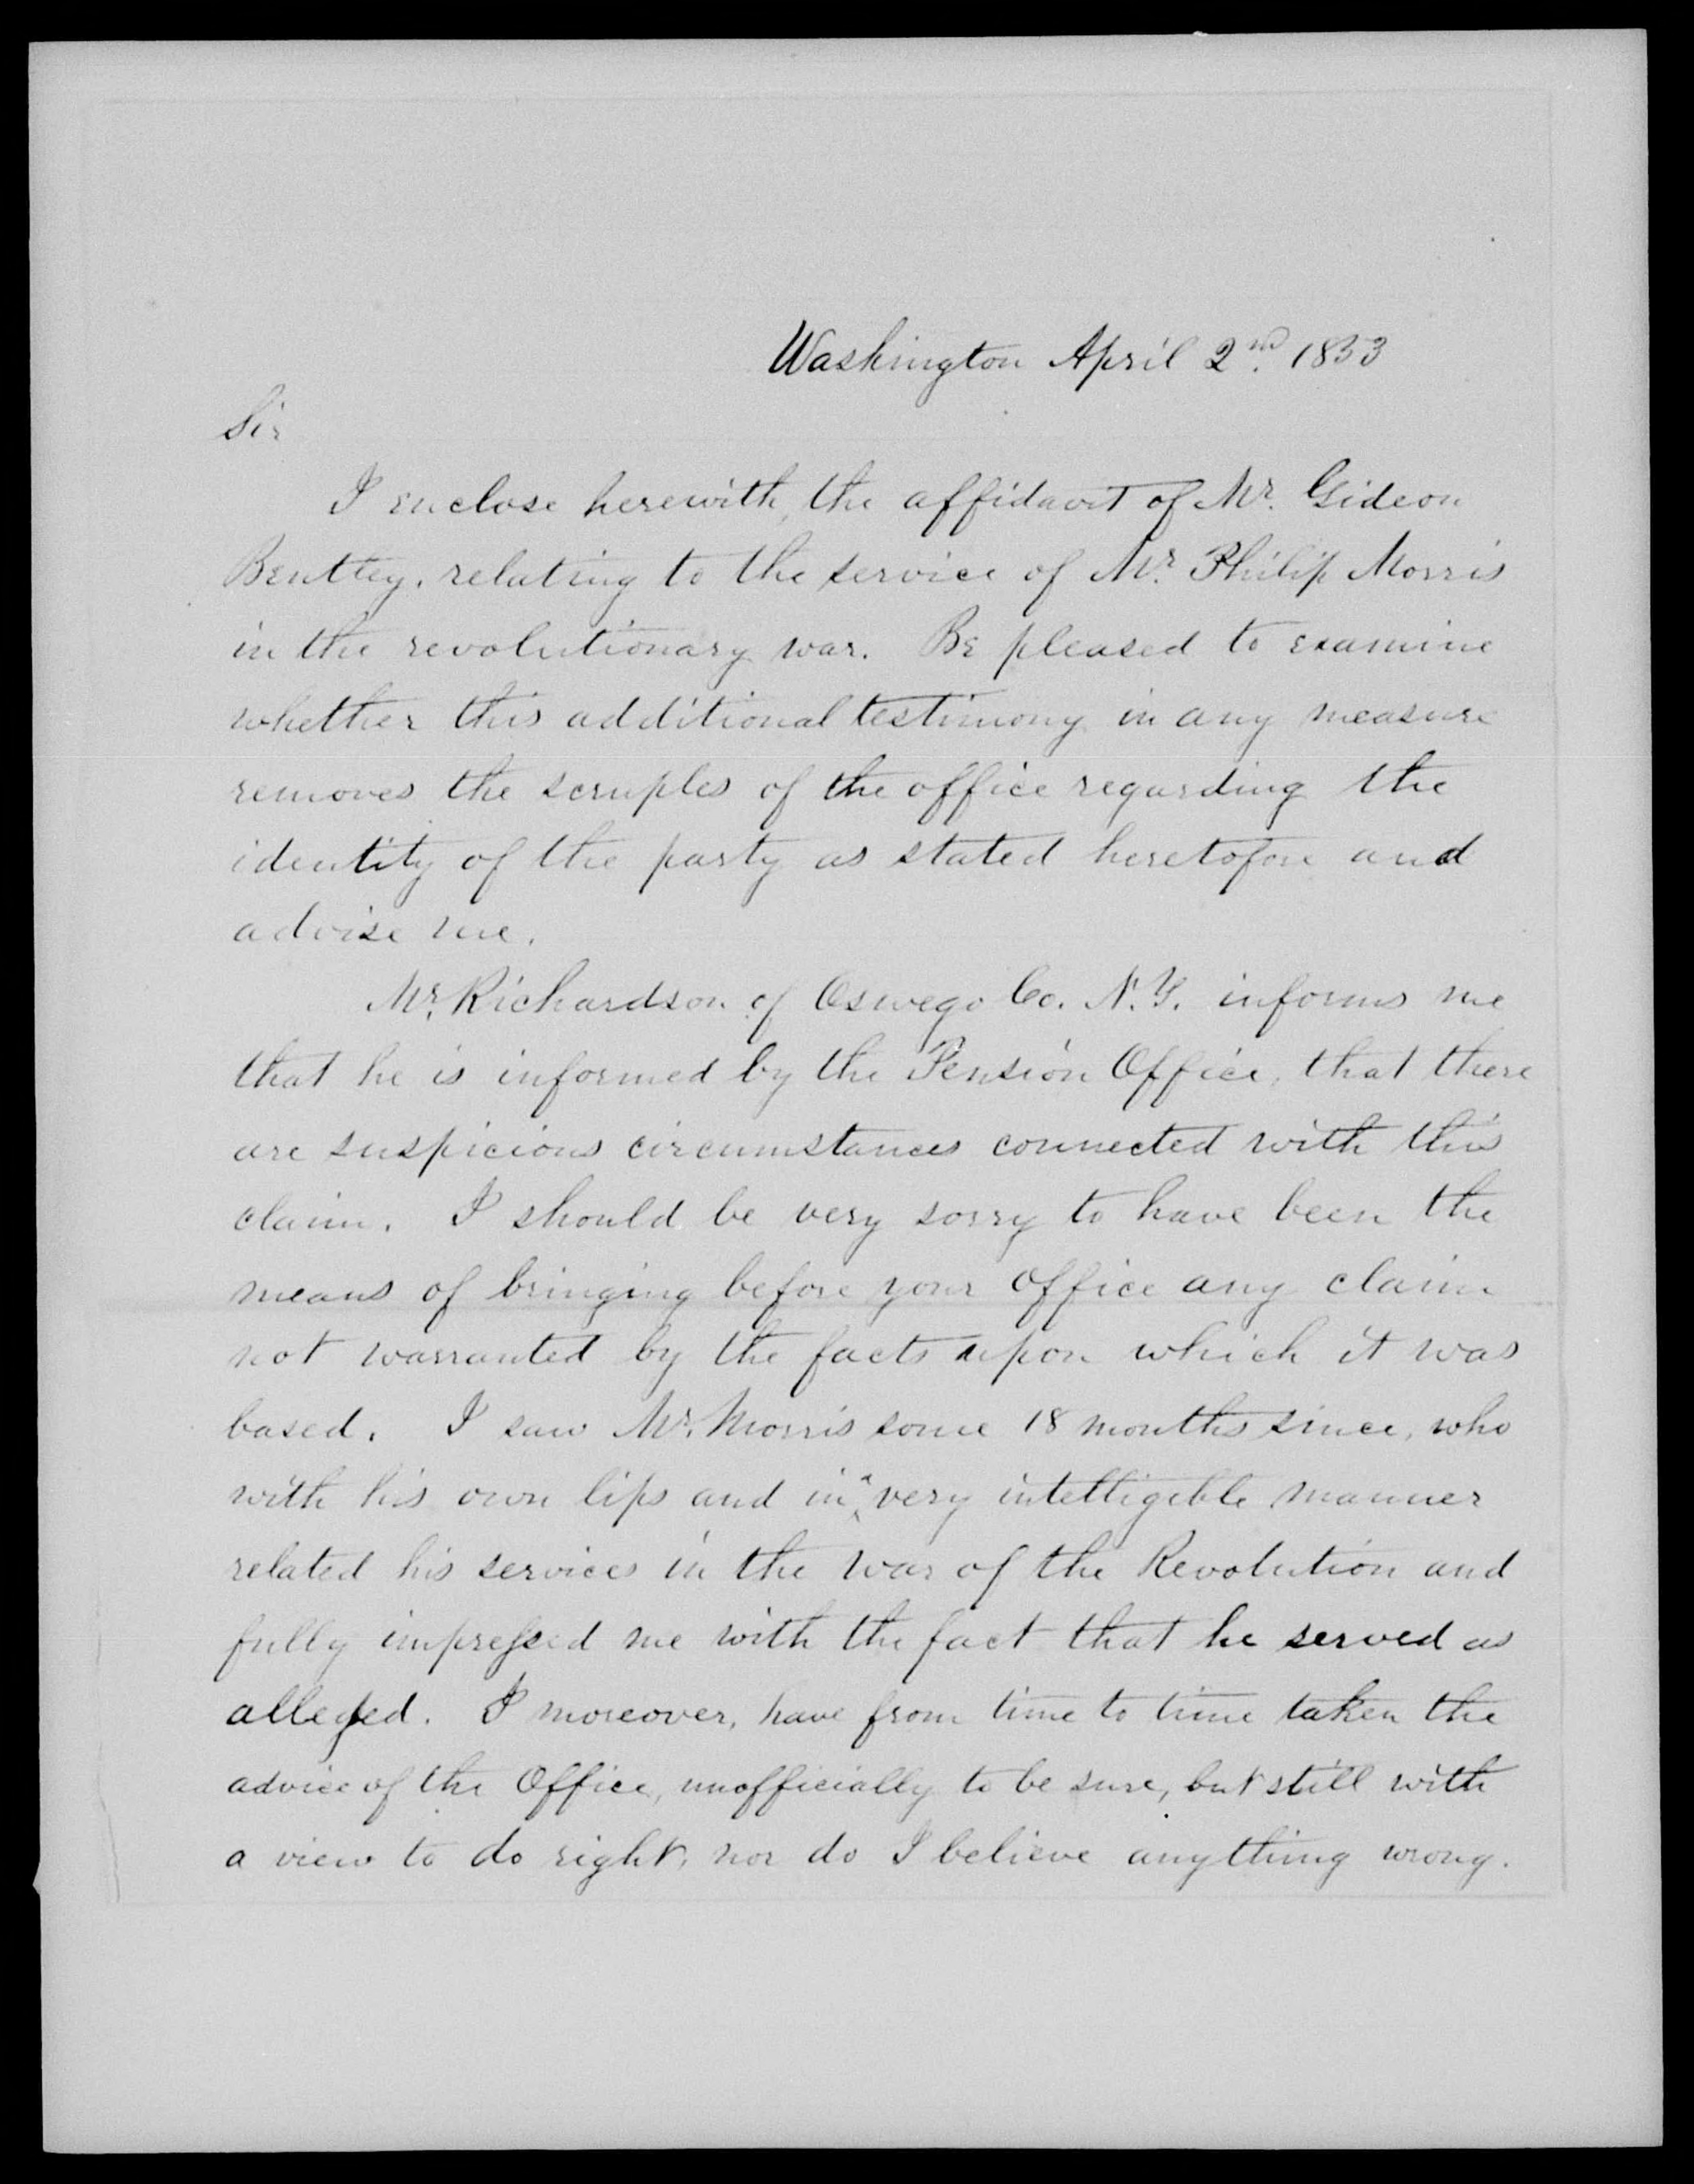Washington April 2nd 1833
Sir
I inclose herewith the affidavit of Mr. Gideon
Bentley. relating the service of Mr. Philip Morris
in the revolutionary war. Be pleased to examine 
whether this additional testimony in any measure removes the scruples of the office regarding the identity of the party as stated heretofore and advise me.

Mr Richardson of Oswego Co. N.Y. informs me
that he is informed by the Pension office that there are suspicious circumstances connected with this claim. I should be very sorry to have been the means of bringing before your office any claim not warranted by the fact for which it was based, I saw Mr. Morris some 18 months since who with his own lips and in very intelligible manner related his services in the war of the Revolution and fully impressed me with the fact that he served as alleged. & moreover, have from time to time taken the advice of the office, unofficially to be sure, but still with a view to do right nor do I believe anything wrong.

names: Philip Morris; Gideon Bentley; [BLANK] Richardson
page: 44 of 44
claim: survivor's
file: S. 28,815, for Philip Morris, Rhode Island